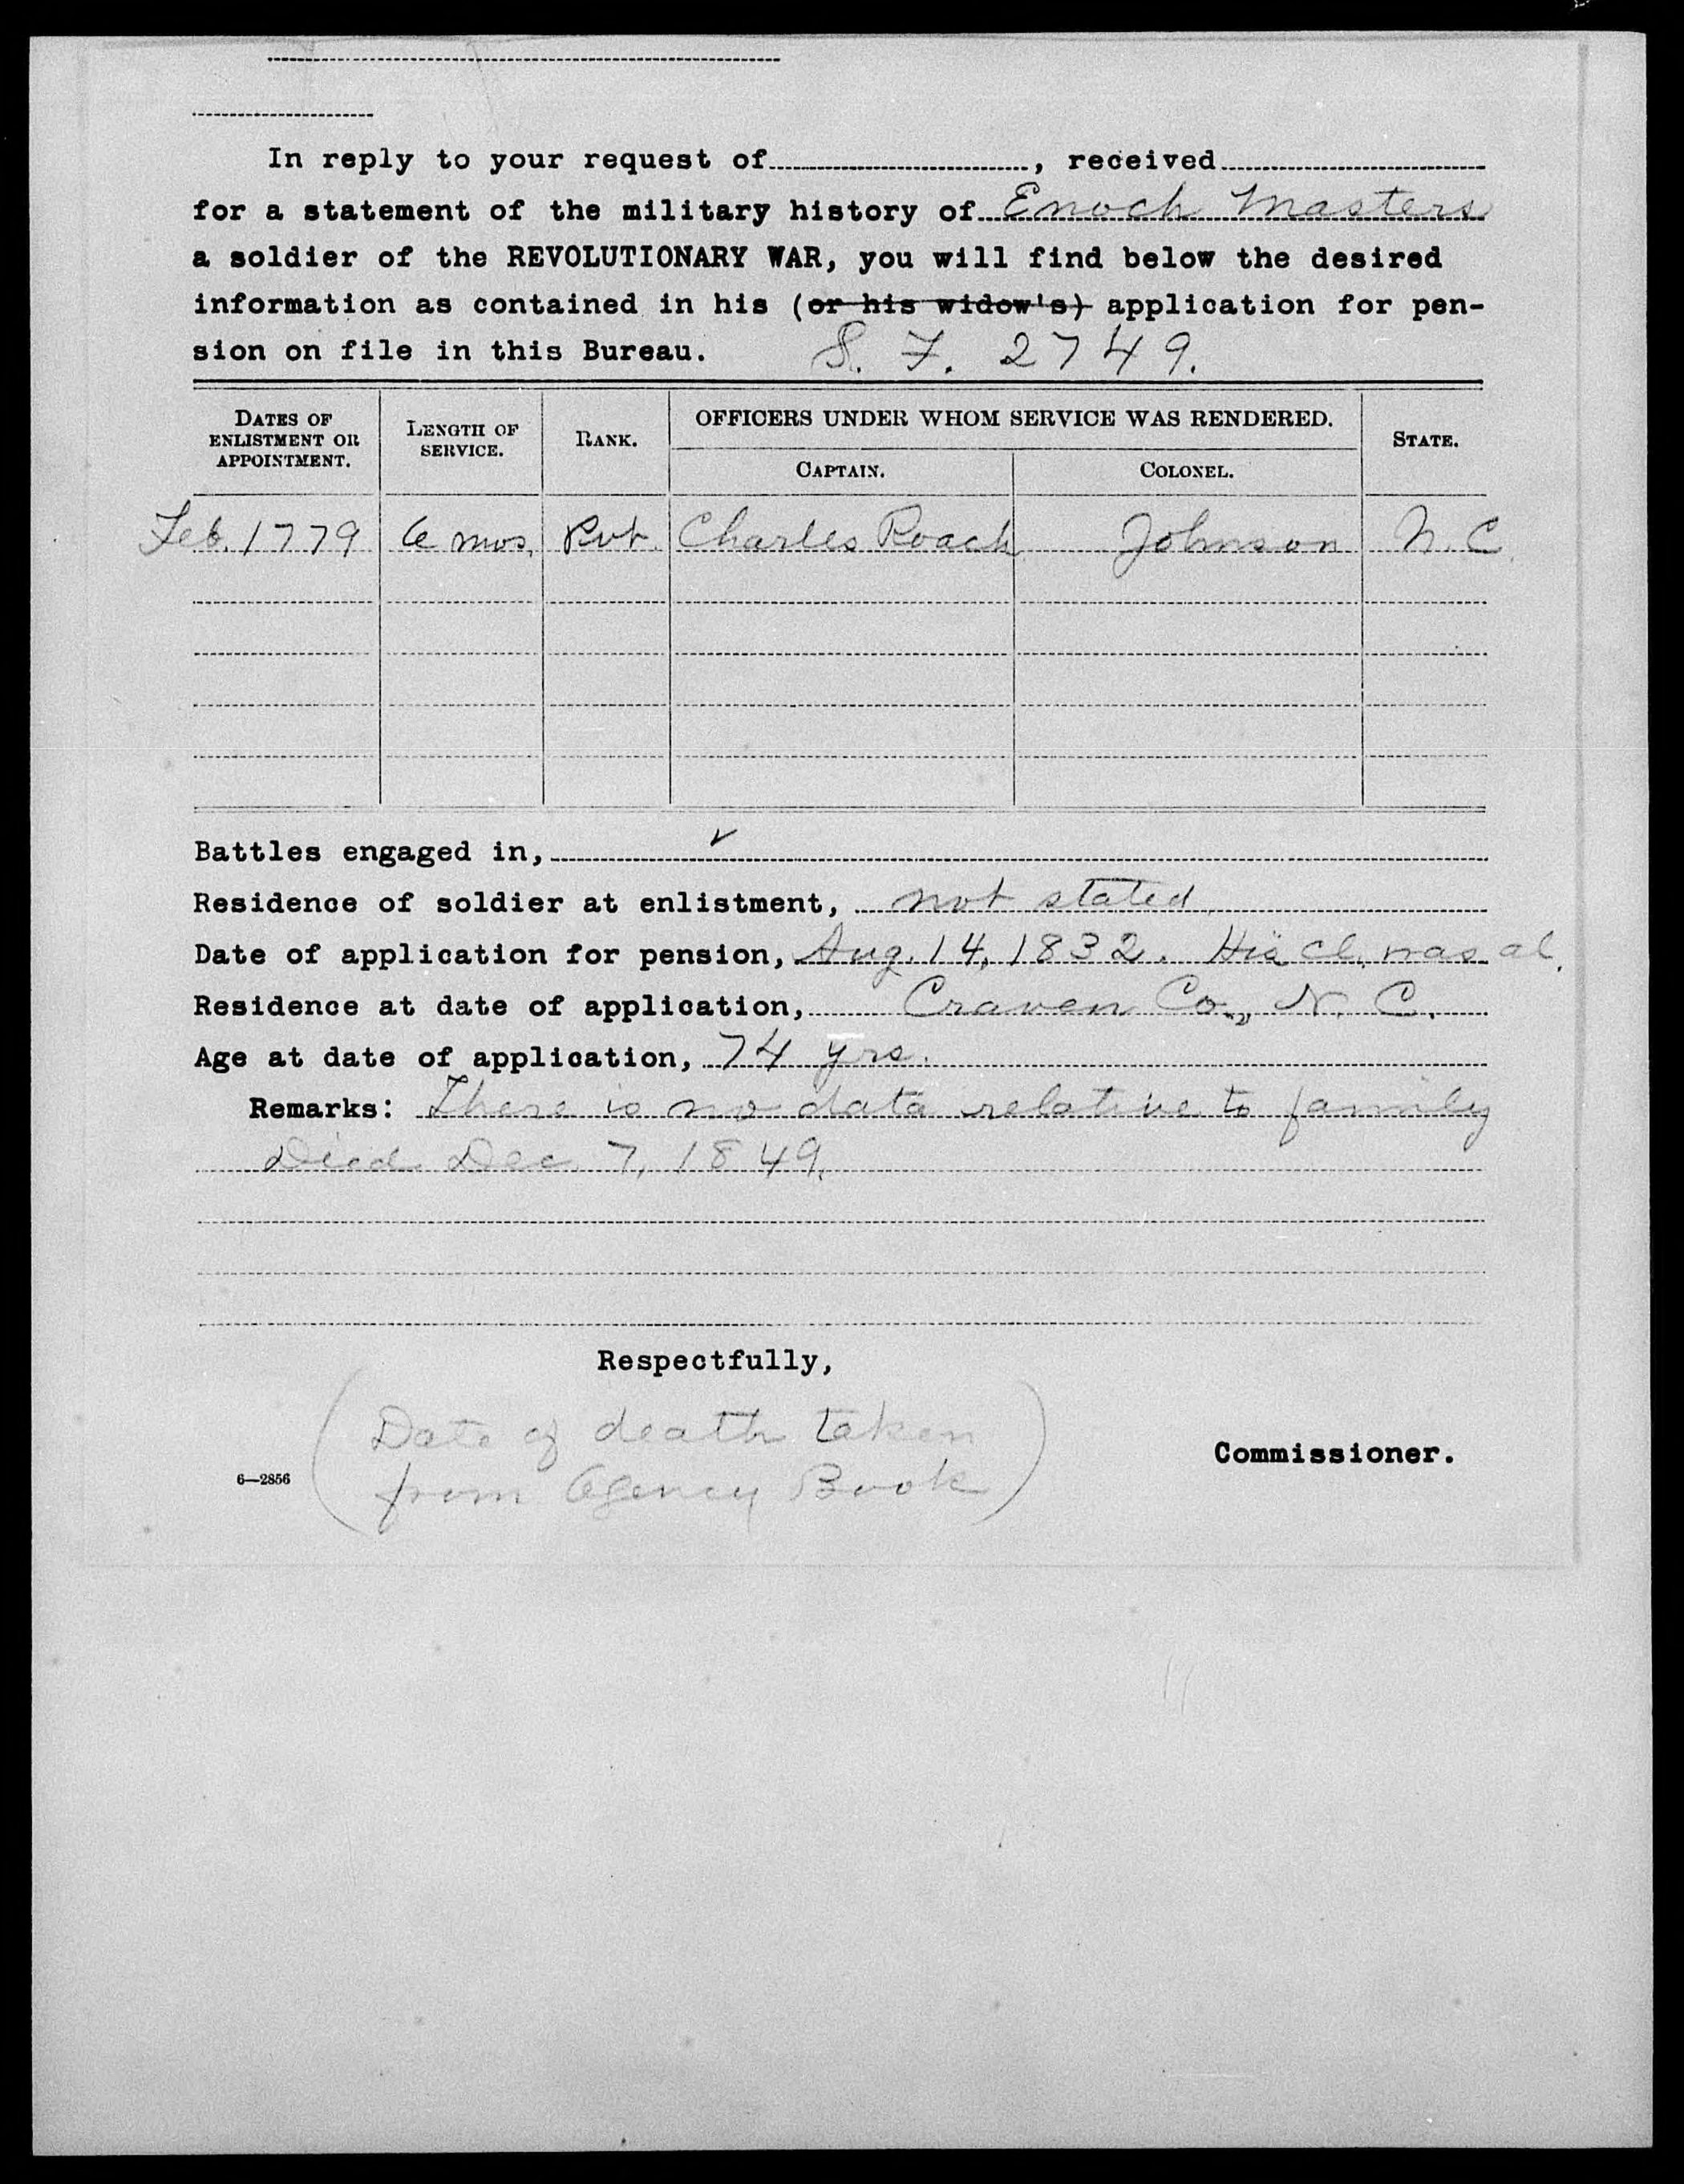In reply to your request of ____, received _____ for a statement of the military history of Enoch Masters a soldier of the REVOLUTIONARY WAR, you will find below the desired information as contained in his application for pension on file in this Bureau. S. F. 2749.

Dates of Enlistment or Appointment.  Feb 1779
Length of Service. 6 mos.
Rank. Pvt [private]
OFFICERS UNDER WHOM SERVICE WAS RENDERED.
Captain Charles Roach
Colonel Johnson
State. N.C.

Battles engaged in, _______
Residence of soldier at enlistment, not stated
Date of application for pension, Aug 14, 1832. His cl was al [possibly meaning "his claim was allowed"]
Residence at date of application, Craven Co., N.C.
Age at date of application, 74 yrs.
Remarks: There is no data relative to family 
Died Dec 7, 1849

Respectfully,
Commissioner

(Date of death taken from agency book)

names: Charles Roach; [BLANK] Johnson; Enoch Masters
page: 9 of 15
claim: survivor's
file: S. 2749, for Enoch Masters, North Carolina